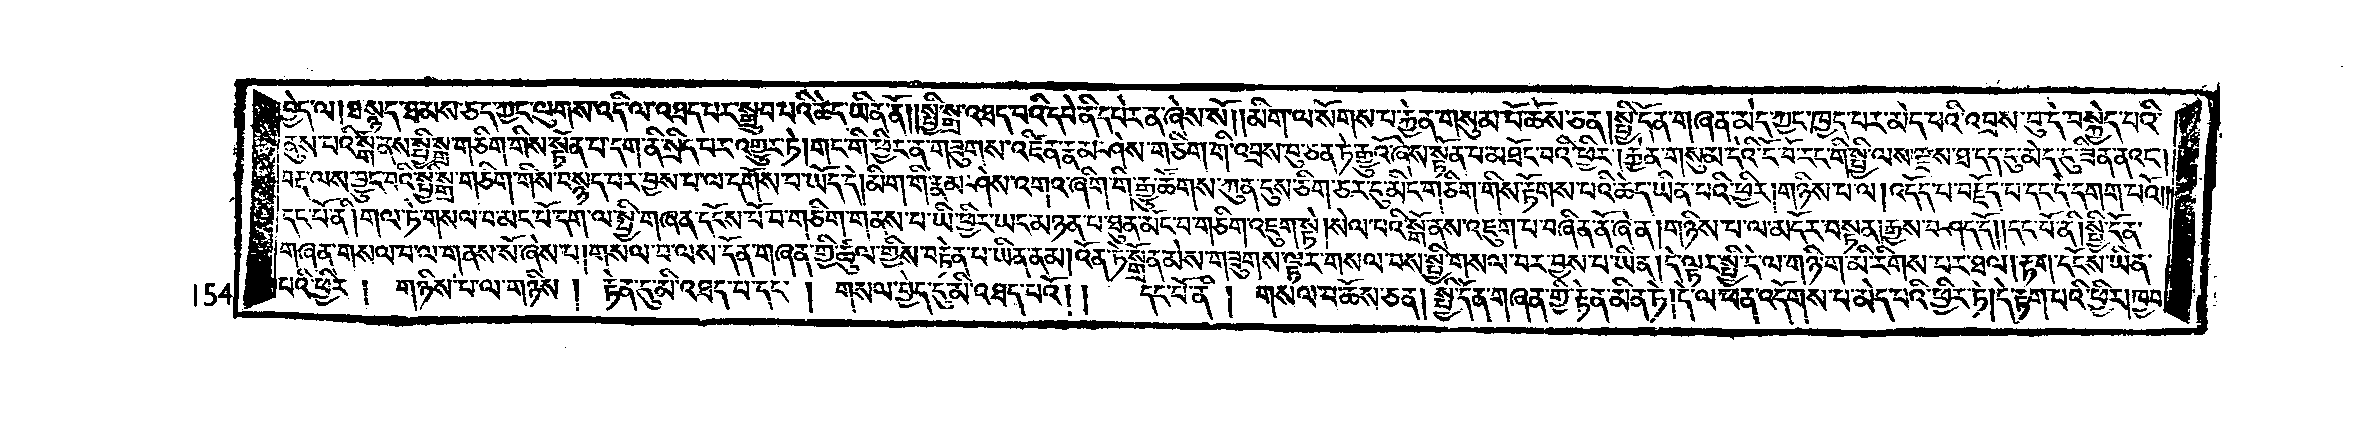བྱེད་ལ། ཐ་སྙད་ཐམས་ཅད་ཀྱང་ལུགས་འདི་ལ་འཐད་པར་སྒྲུབ་པའི་ཚེད་ཡིན་ནོ། །སྤྱི་སྒྲ་འཐད་པའི་དཔེ་ནི་དཔེར་ན་ཞེས་སོ། །མིག་ལ་སོགས་པ་རྐྱེན་གསུམ་པོ་ཆོས་ཅན། སྤྱི་དོན་གཞན་མེད་ཀྱང་ཁྱད་པར་མེད་པའི་འབྲས་བུ་དེ་བསྐྱེད་པའི་
ནུས་པའི་སྒོ་ནས་སྤྱི་སྒྲ་གཅིག་གིས་སྟོན་པ་དག་ནི་སྲིད་པར་འགྱུར་ཏེ། གང་གི་ཕྱིར་ན་གཟུགས་འཛིན་རྣམ་ཤེས་གཅིག་གི་འབྲས་བུ་ཅན་ཏེ་རྒྱུའོ་ཞེས་སྟོན་པ་མཐོང་བའི་ཕྱིར། རྐྱེན་གསུམ་དེའི་ངོ་བོ་རང་གི་སྤྱི་ལས་རྫས་ཐ་དད་དུ་མེད་དུ་ཟིན་ནའང་།
བརྡ་ལས་བྱུང་བའི་སྤྱི་སྒྲ་གཅིག་གིས་བསྙད་པར་བྱས་པ་ལ་དགོས་པ་ཡོད་དེ། མིག་གི་རྣམ་ཤེས་འགའ་ཞིག་གི་རྒྱུ་ཚོགས་ཀུན་དུས་ཅིག་ཅར་དུ་མིང་གཅིག་གིས་རྟོགས་པའི་ཆེད་ཡིན་པའི་ཕྱིར། གཉིས་པ་ལ། འདོད་པ་བརྗོད་པ་དང་དེ་དགག་པའོ། །
དང་པོ་ནི། གལ་ཏེ་གསལ་བ་མང་པོ་དག་ལ་སྤྱི་གཞན་དངོས་པོ་བ་གཅིག་གནས་པ་ཡི་ཕྱིར་ཡང་མཉན་པ་ཐུན་མོང་བ་གཅིག་འཇུག་སྟེ། སེལ་པའི་སྒོ་ནས་འཇུག་པ་བཞིན་ནོ་ཞེ་ན། གཉིས་པ་ལ་མདོར་བསྟན། རྒྱས་བཤད་དོ། །དང་པོ་ནི། སྤྱི་དོན་
གཞན་གསལ་བ་ལ་གནས་སོ་ཞེས་པ། གསལ་བ་ལས་དོན་གཞན་གྱི་ཚུལ་གྱིས་བརྟེན་པ་ཡིན་ནམ། འོན་ཏེ་སྒྲོན་མེས་གཟུགས་ལྟར་གསལ་བས་སྤྱི་གསལ་བར་བྱས་པ་ཡིན། དེ་ལྟར་སྤྱི་དེ་ལ་གཉི་ག་མི་རིགས་པར་ཐལ། རྟག་དངོས་ཡིན་
པའི་ཕྱིར། གཉིས་པ་ལ་གཉིས་། རྟེན་དུ་མི་འཐད་པ་དང་། གསལ་བྱེད་དུ་མི་འཐད་པའོ།། དང་པོ་ནི། གསལ་བ་ཆོས་ཅན། སྤྱི་དོན་གཞན་གྱི་རྟེན་མིན་ཏེ། དེ་ལ་ཕན་འདོགས་པ་མེད་པའི་ཕྱིར་ཏེ། དེ་རྟག་པའི་ཕྱིར། ཁྱབ་